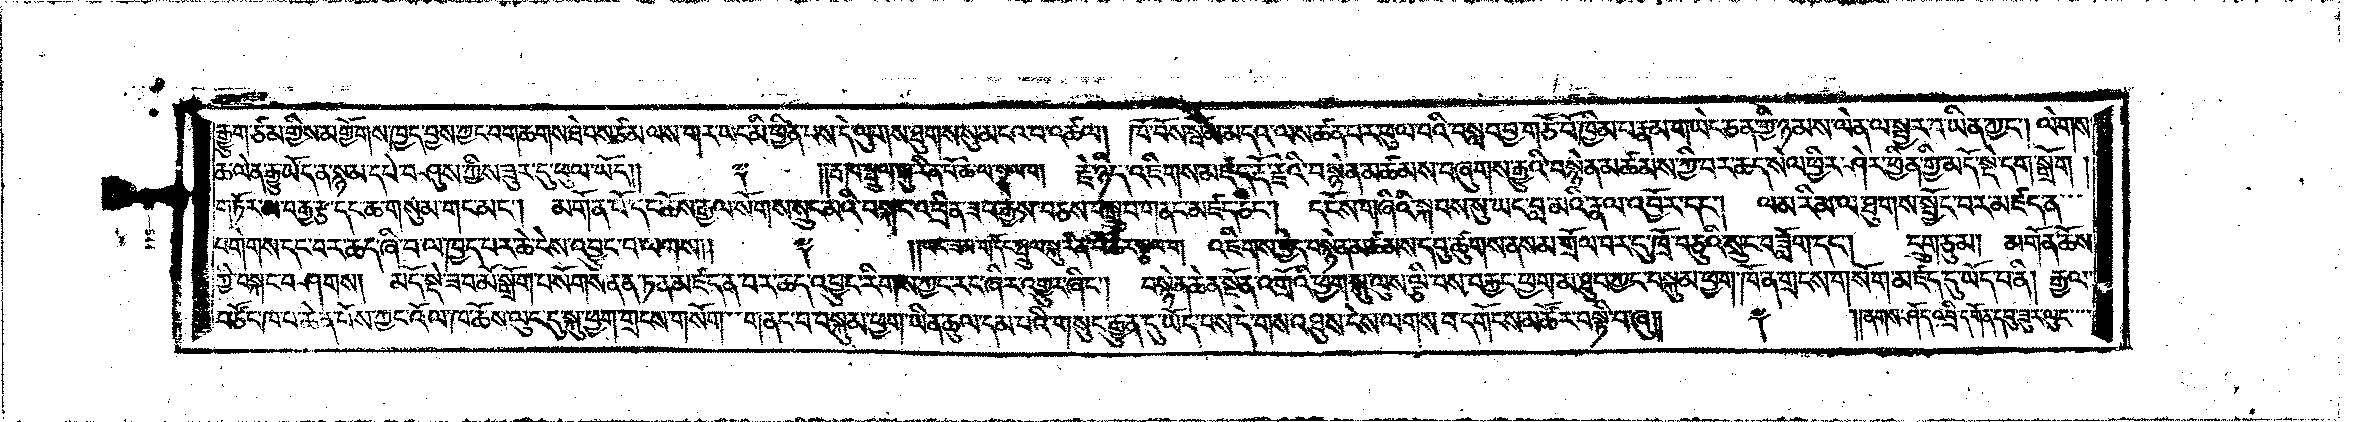རྒྱུག་ཙམ་གྱིས་མགྱོགས་ཁྱད་བྱས་ཀྱང་བག་ཆགས་ཐེབས་ཙམ་ལས་གར་ཡང་མི་ཕྱིན་པས་དེ་ལུགས་ཐུགས་སུ་མངའ་བ་འཚལ། ཁོ་བོས་སྦོམ་མདའ་ལས་ཚན་པར་ཕུལ་བའི་བསླབ་བྱ་གཙོ་བོ་ཁྱིམ་པ་རྣམ་གཡེང་ཅན་གྱི་ཉམས་ལེན་ལ་སྦྱར་བ་ཡིན་ཀྱང་། ལེགས་
ཆ་ལེན་རྒྱུ་ཡོད་ན་སྙམ་དཔེ་བཤུས་ཀྱིས་ཟུར་དུ་ཕུལ་ཡོད།། ༈ །།རྦ་ཁ་སྤྲུལ་སྐུ་རིན་པོ་ཆེ་ལ་སྩལ་བ། རྗེ་ཉིད་འཇིགས་མཛད་རྡོ་རྗེའི་བསྙེན་མཚམས་བཞུགས་རྒྱུའི་བསྙེན་མཚམས་ཀྱི་བར་ཆད་སེལ་ཕྱིར་ཤེར་ཕྱིན་གྱི་མདོ་སྡེ་དག་སྒྲོག །
གཏོར་མ་བརྒྱ་རྩ་དང་ཆ་གསུམ་གང་མང་། མགོན་པོ་དང་ཆོས་རྒྱལ་སོགས་སྲུང་མའི་བསྐང་འཕྲིན་ཟབ་རྒྱས་བཅས་བསྒྲུབ་གནང་མཛད་ཅིང་། དངོས་གཞིའི་སྐབས་སུ་ཡང་བླ་མའི་རྣལ་འབྱོར་དང་། ལམ་རིམ་ལ་ཐུགས་སྦྱོང་བར་མཛད་ན་
བགེགས་དང་བར་ཆད་ཞི་བ་ལ་ཁྱད་པར་ཆེ་ངེས་འབྱུང་བ་ལེགས།། ༈ །། ཡང་ཟམ་གདོང་སྤྲུལ་སྐུ་རིན་པོ་ཆེར་སྩལ་བ།  འཇིགས་བྱེད་བསྙེན་མཚམས་དབུ་ཚུགས་ནས་མ་གྲོལ་བར་དུ་ཁྲོ་བཅུའི་སྲུང་བཟློག་དང་། དྲུག་ཅུ་མ། མགོན་ཆོས་
གྱི་བསྐང་བཤགས། མདོ་སྡེ་ཟབ་མོ་སྒྲོག་བ་སོགས་ནན་ཏན་མཛད་ན་བར་ཆད་འབྱུང་རིགས་ཀྱང་རང་ཞིར་འགྱུར་ཞིང་། བསྙེན་ཆེན་སྔོན་འགྲོའི་ཕྱག་སྐུ་ལུས་ལྕི་བས་བརྐྱང་ཕྱག་མ་ཐུབ་ཀྱང་བསྐུམ་ཕྱག་ཁོ་ན་གྲངས་གསོག་མཛད་དུ་ཡོད་པ་ནི། རྒྱལ་
བཙོང་ཁ་པ་ཆེན་པོས་ཀྱང་འོལ་ཁ་ཆོས་ལུང་དུ་སྐུ་ཕྱག་གྲངས་གསོག་གནང་བ་བསྐུམ་ཕྱག་ཡིན་ཆུལ་དམ་པའི་གསུང་རྒྱུན་དུ་ཡོད་པས་དེ་གས་འཐུས་ངེས་ལགས་བ་དགོངས་མཚོར་བསྟི་བ་ཞུ།། ༈ །།ནགས་ཤོད་འབྲི་དགོན་དབུ་ཟུར་ལུང་